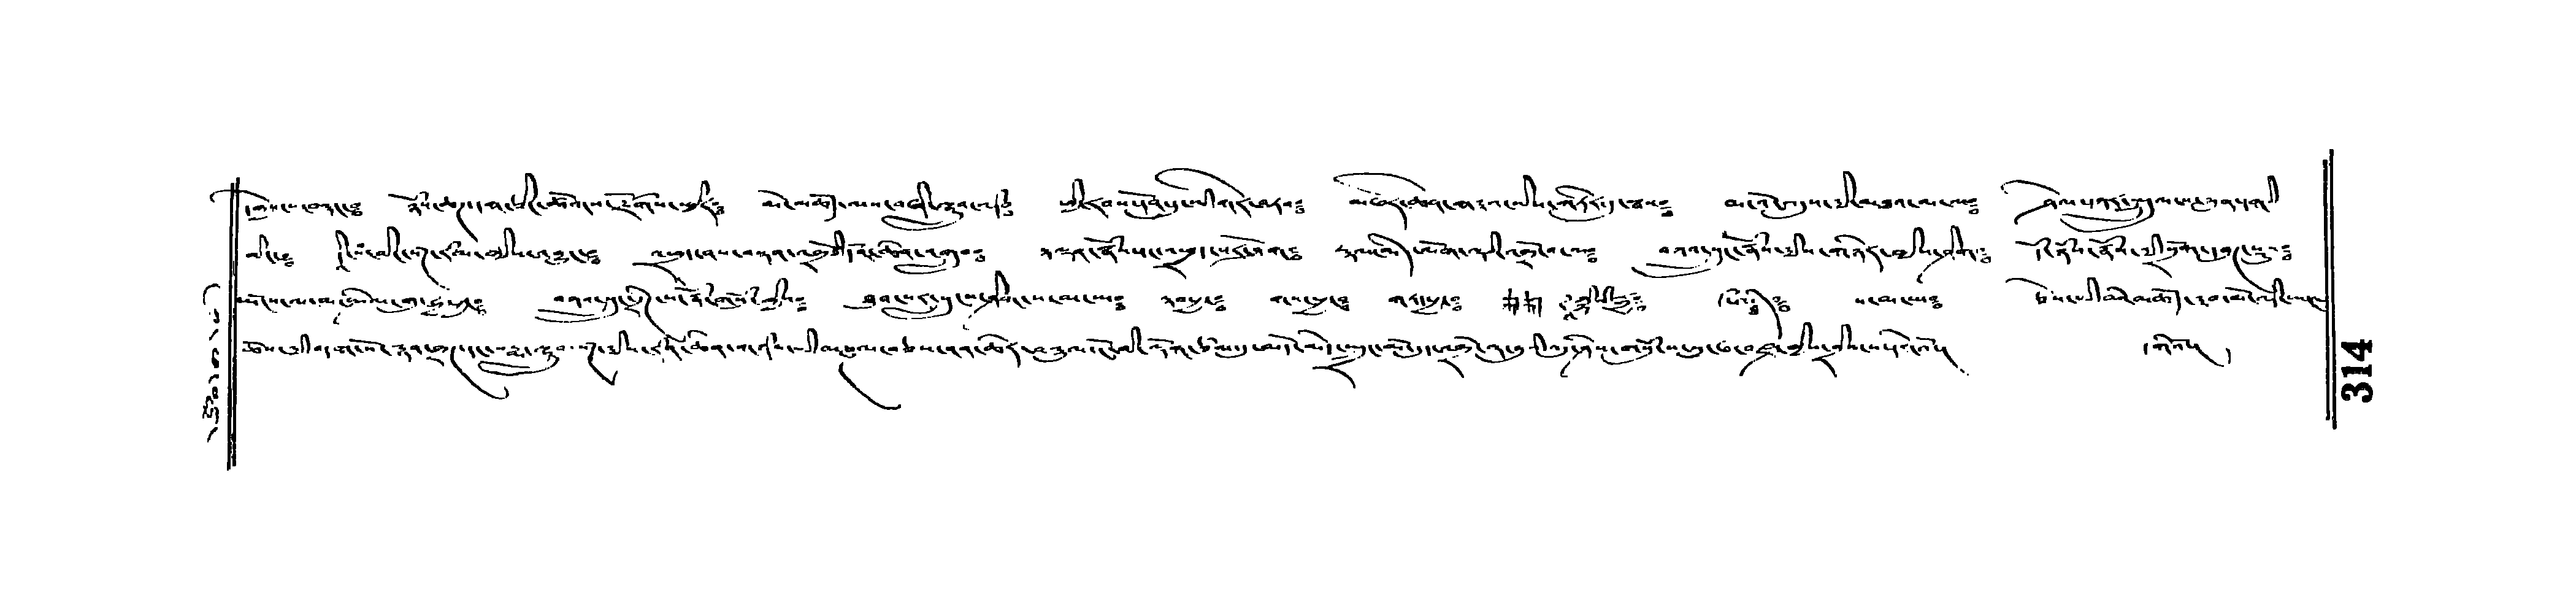དགྱེས་པ་བསྐང༔ ཉམས་ཆགས་དག་ཅིང་ཚོགས་རྫོགས་ཕྱིར༔ མེ་མཆོད་ལས་བཞི་ལྷུན་གྲུབ་འདི༔ ཕྱི་རབས་དོན་དུ་ཡི་གེར་བཏབ༔ མཁར་ཆེན་གཟའ་ཡིས་གཏེར་དུ་སྦས༔ མ་འོངས་དུས་ཀྱི་མཐའ་མ་ལ༔ ཤེལ་དཀར་སྤྲུལ་པ་ཀུན་དགའི་
མིང༔ དཱི་པཾ་མིང་སོགས་རིམ་གྱིས་འབྱུང༔ འཕྲད་ནས་བསྟན་འགྲོའི་དོན་ཆེན་འགྲུབ༔ སྐལ་ལྡན་རྣམས་དང་འཕྲེད་པར་ཤོག༔ སྐལ་མེད་ལོག་ལྟའི་འགྲོ་བ་ལ༔ བཀའ་སྲུང་རྣམས་ཀྱིས་གཉེར་གྱིས་ཤིག༔ དམ་ཉམས་རྣམས་ཀྱི་སྲོག་དབུགས་སྡུས༔ 
ཡོངས་ལ་མ་སྤེལ་གུ་ཧྱ་རྒྱ༔ བཀའ་སྲུང་དྲེགས་པ་རྣམ་གསུམ་གྱིས༔ ཐུབ་པར་སྲུངས་ཤིག་ས་མ་ཡ༔ ཟབ་རྒྱ༔ གསང་རྒྱ༔ གཏད་རྒྱ༔ ཌཱཀྐིའི་རྒྱ༔ ༔ ས་མ་ཡ༔ ཅེས་པའི་མེ་མཆོད་ཟབ་མོ་འདི་ཡན་
ཆོས་ཀྱི་བདག་པོ་སྙན་གྲགས་དང་པདྨ་ལྷུན་གྲུབ་སོགས་ཀྱིས་རིན་ཆེན་གཉིས་པའི་མཎྜལ་བཅས་ནན་ཆེར་བསྐུལ་ངོ་མི་ལྡོག་ཙམ་དུ་མདོ་མེད་སྤྲང་མོ་དུད་འགྲོ་ལྟ་བུའི་འདུ་ཤེས་གསུམ་པ་སུ་ཁ་བཛྲ་གྱིས་བྲིས་པ་དགེའོ།།མངྒ་ལམ།།